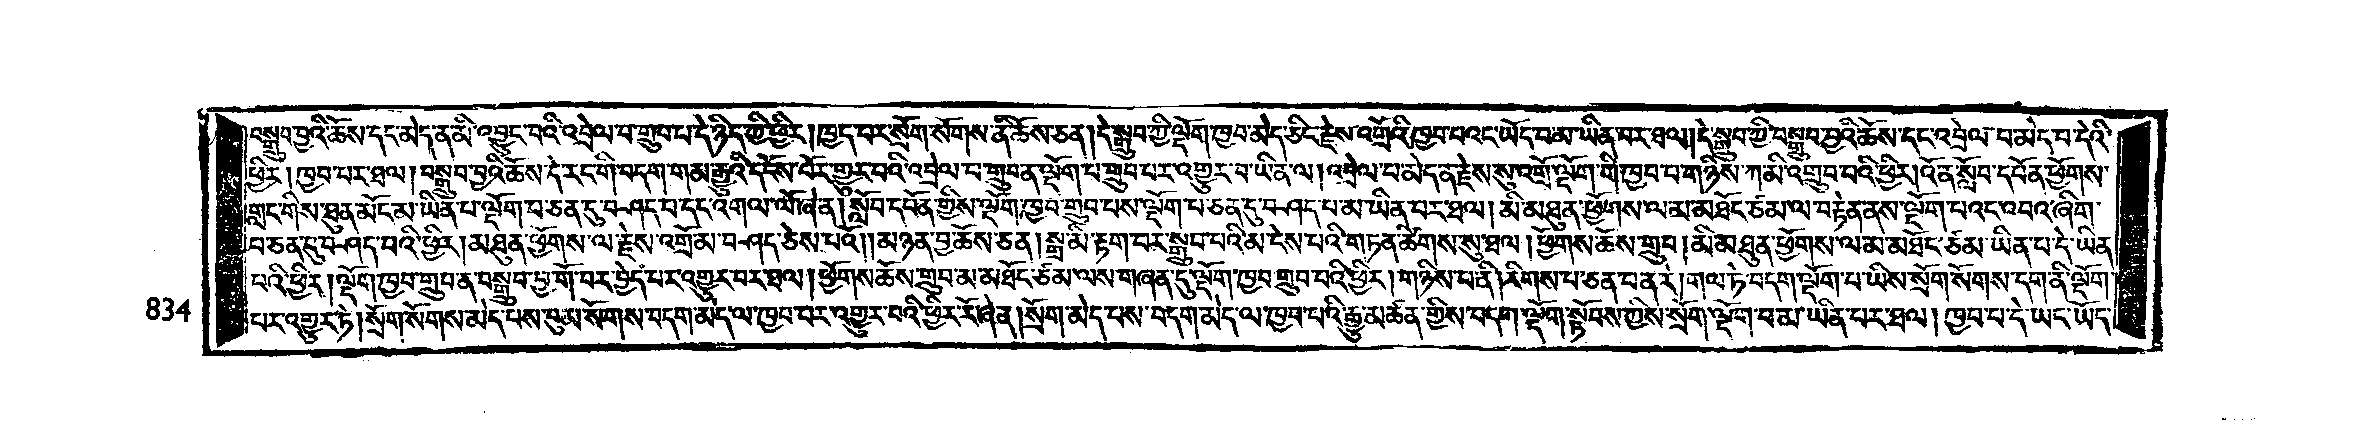བསྒྲུབ་བྱའི་ཆོས་དང་མེད་ན་མི་འབྱུང་བའི་འབྲེལ་བ་གྲུབ་པ་དེ་ཉིད་ཀྱི་ཕྱིར། ཁྱད་པར་སྲོག་སོགས་ནི་ཆོས་ཅན། དེ་སྒྲུབ་ཀྱི་ལྡོག་ཁྱབ་མེད་ཅིང་རྗེས་འགྲོའི་ཁྱབ་པའང་ཡོད་པ་མ་ཡིན་པར་ཐལ། དེ་སྒྲུབ་ཀྱི་བསྒྲུབ་བྱའི་ཆོས་དང་འབྲེལ་བ་མེད་པ་དེའི་
ཕྱིར། ཁྱབ་པར་ཐལ། བསྒྲུབ་བྱའི་ཆོས་དེ་རང་གི་བདག་གམ་རྒྱུའི་དངོས་པོར་གྱུར་བའི་འབྲེལ་བ་གྲུབ་ན་ལྡོག་པ་གྲུབ་པར་འགྱུར་བ་ཡིན་ལ། འབྲེལ་བ་མེད་ན་རྗེས་སུ་འགྲོ་ལྡོག་གི་ཁྱབ་པ་གཉིས་ཀ་མི་འགྲུབ་པའི་ཕྱིར། འོ་ན་སློབ་དཔོན་ཕྱོགས་
གླང་གིས་ཐུན་མོང་མ་ཡིན་པ་ལྡོག་པ་ཅན་དུ་བཤད་པ་དང་འགལ་ལོ་ཞེ་ན། སློབ་དཔོན་གྱིས་ལྡོག་ཁྱབ་གྲུབ་པས་ལྡོག་པ་ཅན་དུ་བཤད་པ་མ་ཡིན་པར་ཐལ། མི་མཐུན་ཕྱོགས་ལ་མ་མཐོང་ཙམ་ལ་བརྟེན་ནས་ལྡོག་པའང་འབའ་ཞིག་
པ་ཅན་དུ་བཤད་པའི་ཕྱིར། མཐུན་ཕྱོགས་ལ་རྗེས་འགྲོ་མ་བཤད་ཅེས་པའོ། །མཉན་བྱ་ཆོས་ཅན། སྒྲ་མི་རྟག་པར་སྒྲུབ་པའི་མ་ངེས་པའི་གཏན་ཚིགས་སུ་ཐལ། ཕྱོགས་ཆོས་གྲུབ། མི་མཐུན་ཕྱོགས་ལ་མ་མཐོང་ཙམ་ཡིན་པ་དེ་ཡིན་
པའི་ཕྱིར། ལྡོག་ཁྱབ་གྲུབ་ན་བསྒྲུབ་བྱ་གོ་བར་བྱེད་པར་འགྱུར་བར་ཐལ། ཕྱོགས་ཆོས་གྲུབ་མ་མཐོང་ཙམ་ལས་གཞན་དུ་ལྡོག་ཁྱབ་གྲུབ་པའི་ཕྱིར། གཉིས་པ་ནི། རིགས་པ་ཅན་པ་ན་རེ། གལ་ཏེ་བདག་ལྡོག་པ་ཡིས་སྲོག་སོགས་དག་ནི་ལྡོག་
པར་འགྱུར་ཏེ། སྲོག་སོགས་མེད་པས་བུམ་སོགས་བདག་མེད་ལ་ཁྱབ་པར་འགྱུར་བའི་ཕྱིར་རོ་ཞེ་ན། སྲོག་མེད་པས་བདག་མེད་ལ་ཁྱབ་པའི་རྒྱུ་མཚན་གྱིས་བདག་ལྡོག་སྟོབས་ཀྱིས་སྲོག་ལྡོག་པ་མ་ཡིན་པར་ཐལ། ཁྱབ་པ་དེ་ཡང་ཡོད་